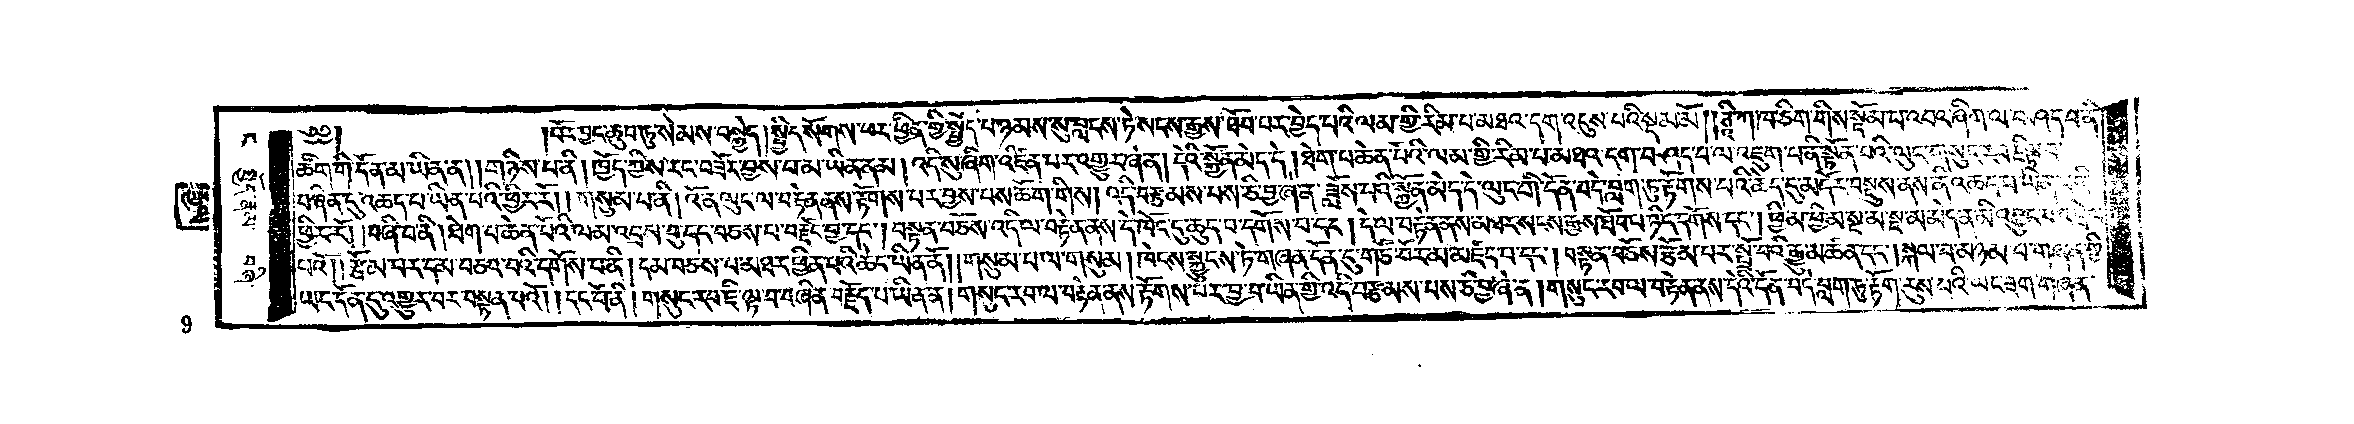༄༅། །པོར་བྱང་ཆུབ་ཏུ་སེམས་བསྐྱེད། སྦྱིན་སོགས་ཕར་ཕྱིན་གྱི་སྤྱོད་པ་ཉམས་སུ་བླངས་ཏེ་སངས་རྒྱས་ཐོབ་པར་བྱེད་པའི་ལམ་གྱི་རིམ་པ་མཐའ་དག་འདུས་པའི་སྡམ་མོ། །ཊཱི་ཀ་ཁ་ཅིག་གིས་སྡོམ་པ་འབའ་ཞིག་ལ་བཤད་པ་ནི་
ཚིག་གི་དོན་མ་ཡིན་ན། གཉིས་པ་ནི། ཁྱོད་ཀྱིས་རང་བཟོད་བྱས་པ་མ་ཡིན་ནམ། འདི་སུ་ཞིག་འཛིན་པར་འགྱུར་ཞེ་ན། དེའི་སྐྱོན་མེད་དེ། ཐེག་པ་ཆེན་པོའི་ལམ་གྱི་རིམ་པ་མཐའ་དག་བཤད་པ་ལ་འཇུག་པ་ནི་སྟོན་པའི་ལུང་གསུང་རབ་ཇི་ལྟ་བ་
བཞིན་དུ་འཆད་པ་ཡིན་པའི་ཕྱིར་རོ། །གསུམ་པ་ནི། འོ་ན་ལུང་ལ་བརྟེན་ནས་རྟོགས་པར་བྱས་པས་ཆོག་གིས། འདི་བརྩམས་པས་ཅི་བྱ་ཞེ་ན་ཟློས་པའི་སྐྱོན་མེད་དེ་ལུང་གི་དོན་བདེ་བླག་ཏུ་རྟོགས་པའི་ཆེད་དུ་མདོར་བསྡུས་ནས་ནི་འཆད་པ་ཡིན་པའི་
ཕྱིར་རོ། །བཞི་པ་ནི། ཐེག་པ་ཆེན་པོའི་ལམ་འབྲས་བུ་དང་བཅས་པ་བརྗོད་བྱ་དང་། བསྟན་བཅོས་འདི་ལ་བརྟེན་ནས་དེ་ཁོང་དུ་ཆུད་པ་དགོས་པ་དང་། དེ་ལ་བརྟེན་ནས་མཐར་སངས་རྒྱས་ཐོབ་པ་ཉིད་དགོས་དང་ཕྱི་མ་ཕྱི་མ་སྔ་མ་སྔ་མ་མེད་ན་མི་འབྱུང་བ་འབྲེལ་
པའོ། །རྩོམ་པར་དམ་བཅའ་བའི་དགོས་པ་ནི། དམ་བཅས་པ་མཐར་ཕྱིན་པའི་ཆེད་ཡིན་ནོ། །གསུམ་པ་ལ་གསུམ། ཁེངས་སྐྱུངས་ཏེ་གཞན་དོན་དུ་གཙོ་བོར་མ་མཛད་པ་དང་། བསྟན་བཅོས་རྩོམ་པར་སྤྲོ་བའི་རྒྱུ་མཚན་དང་། སྐལ་པ་མཉམ་པ་གཞན་གྱི་
ཡང་དོན་དུ་འགྱུར་བར་བསྟན་པའོ། །དང་པོ་ནི། གསུང་རབ་ཇི་ལྟས་བ་བཞིན་བརྗོད་པ་ཡིན་ན། གསུང་རབ་ལ་བརྟེན་ནས་རྟོགས་པར་བྱ་བ་ཡིན་གྱི་འདི་བརྩམས་པས་ཅི་བྱ་ཞེ་ན། གསུང་རབ་ལ་བརྟེན་ནས་དེའི་དོན་བདེ་བླག་ཏུ་རྟོག་རུས་པའི་ཡང་ཟག་གཞན་